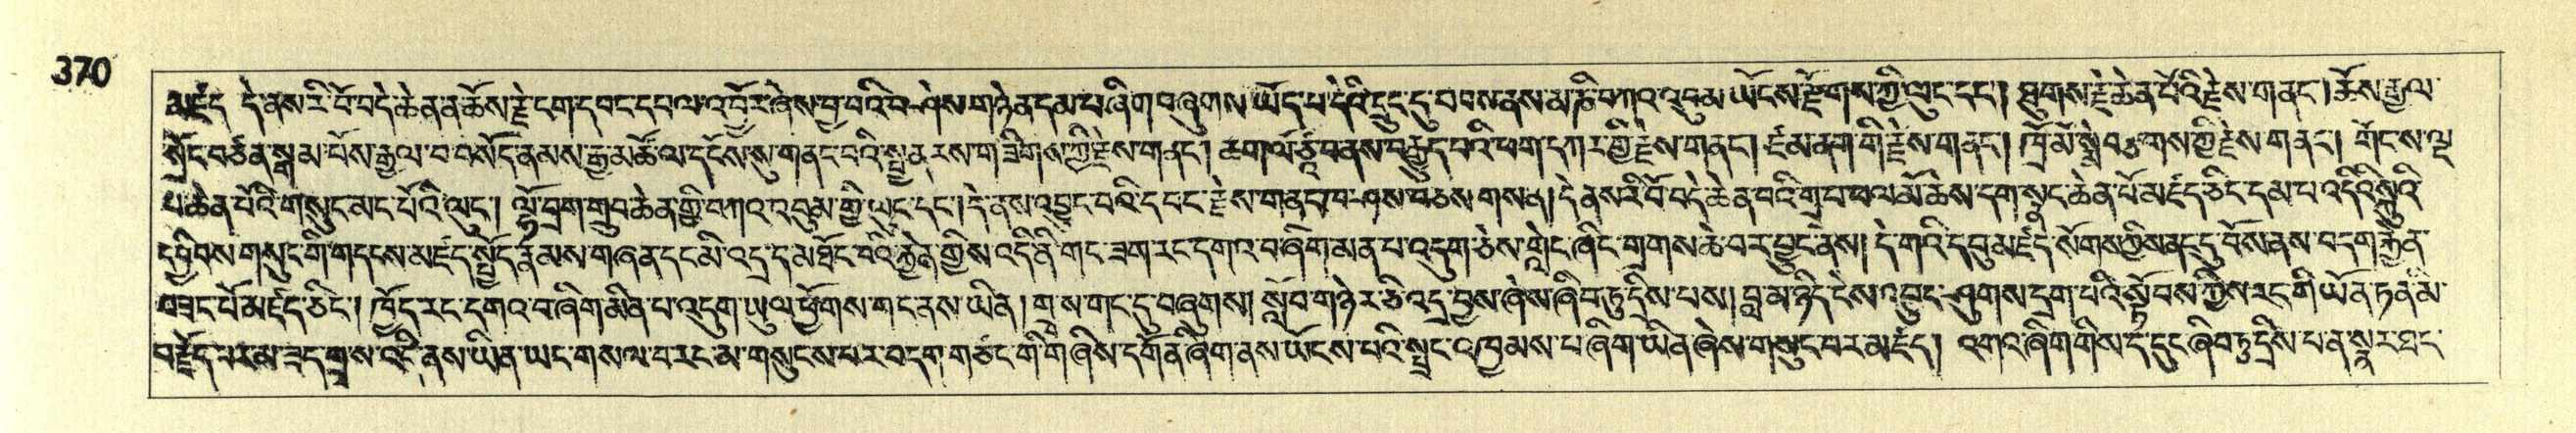མཛད་དེ་ནས་རི་བོ་བདེ་ཆེན་ན་ཆོས་རྗེ་ངག་དབང་དཔལ་འབྱོར་ཞེས་བྱ་བའི་བཤེས་གཉེན་དམ་པ་ཞིག་བཞུགས་ཡོད་པ་དེའི་དྲུང་དུ་བབས་ནས་མ་ཎི་བཀའ་འབུམ་ཡོངས་རྫོགས་ཀྱི་ལུང་དང་། ཐུགས་རྗེ་ཆེན་པོའི་རྗེས་གནང་། ཆོས་རྒྱལ་
སྲོང་བཙན་སྒམ་པོས་རྒྱལ་བ་བསོད་ནམས་རྒྱ་མཚོ་ལ་དངོས་སུ་གནང་བའི་སྤྱན་རས་གཟིགས་ཀྱི་རྗེས་གནང་། ཆག་ལོ་ཙཱ་བ་ནས་བརྒྱུད་པའི་ཕག་དཀར་གྱི་རྗེས་གནང་། ཛམ་ནག་གི་རྗེས་གནང་། ཁྲོ་མོ་སྨེ་བརྩགས་ཀྱི་རྗེས་གནང་། གོང་ས་ལྔ་
པ་ཆེན་པོའི་གསུང་མང་པོའི་ལུང་། ལྷོ་བྲག་གྲུབ་ཆེན་གྱི་བཀའ་འབུམ་གྱི་ལུང་དང་། དེ་ནས་འབྱུང་བའི་དབང་རྗེས་གནང་ཁ་ཤས་བཅས་གསན། དེ་ནས་རི་བོ་བདེ་ཆེན་བའི་གྲ་པ་ཕལ་མོ་ཆེས་དག་སྣང་ཆེན་པོ་མཛད་ཅིང་དམ་པ་འདིའི་སྐུའི་
དབྱིབས་གསུང་གི་གདངས་མཛད་སྤྱོད་རྣམས་གཞན་དང་མི་འདྲ་ད་མཐོང་བའི་རྐྱེན་གྱིས་འདི་ནི་གང་ཟག་རང་དགའ་བ་ཞིག་མན་པ་འདུག་ཅེས་གླེང་ཞིང་གྲགས་ཆེ་བར་བྱུང་ནས། དེ་གའི་དབུ་མཛད་སོགས་ཀྱིས་ནང་དུ་བོས་ནས་བདག་རྐྱེན་
བཟང་པོ་མཛད་ཅིང་། ཁྱོད་རང་དགའ་བ་ཞིག་མིན་པ་འདུག་ཡུལ་ཕྱོགས་གང་ནས་ཡིན། གྲྭ་ས་གང་དུ་བཞུགས། སློབ་གཉེར་ཅི་འདྲ་བྱས་ཞེས་ཞིབ་ཏུ་དྲིས་པས། བླ་མ་ཉིད་ངེས་འབྱུང་ཤུགས་དྲག་པའི་སྟོབས་ཀྱིས་རང་གི་ཡོན་ཏན་མི་
བརྗོད་པར་མ་ཟད་གྲྭ་ས་འདི་ནས་ཡིན་ཡང་གསལ་བ་རང་མ་གསུངས་པར་བདག་གཙང་གི་གཞིས་དགོན་ཞིག་ནས་ཡོངས་པའི་སྤྲང་འཁྱམས་པ་ཞིག་ཡིན་ཞེས་གསུང་བར་མཛད། འགའ་ཞིག་གིས་ད་དུང་ཞིབ་ཏུ་དྲིས་པ་ན་སྣར་ཐང་